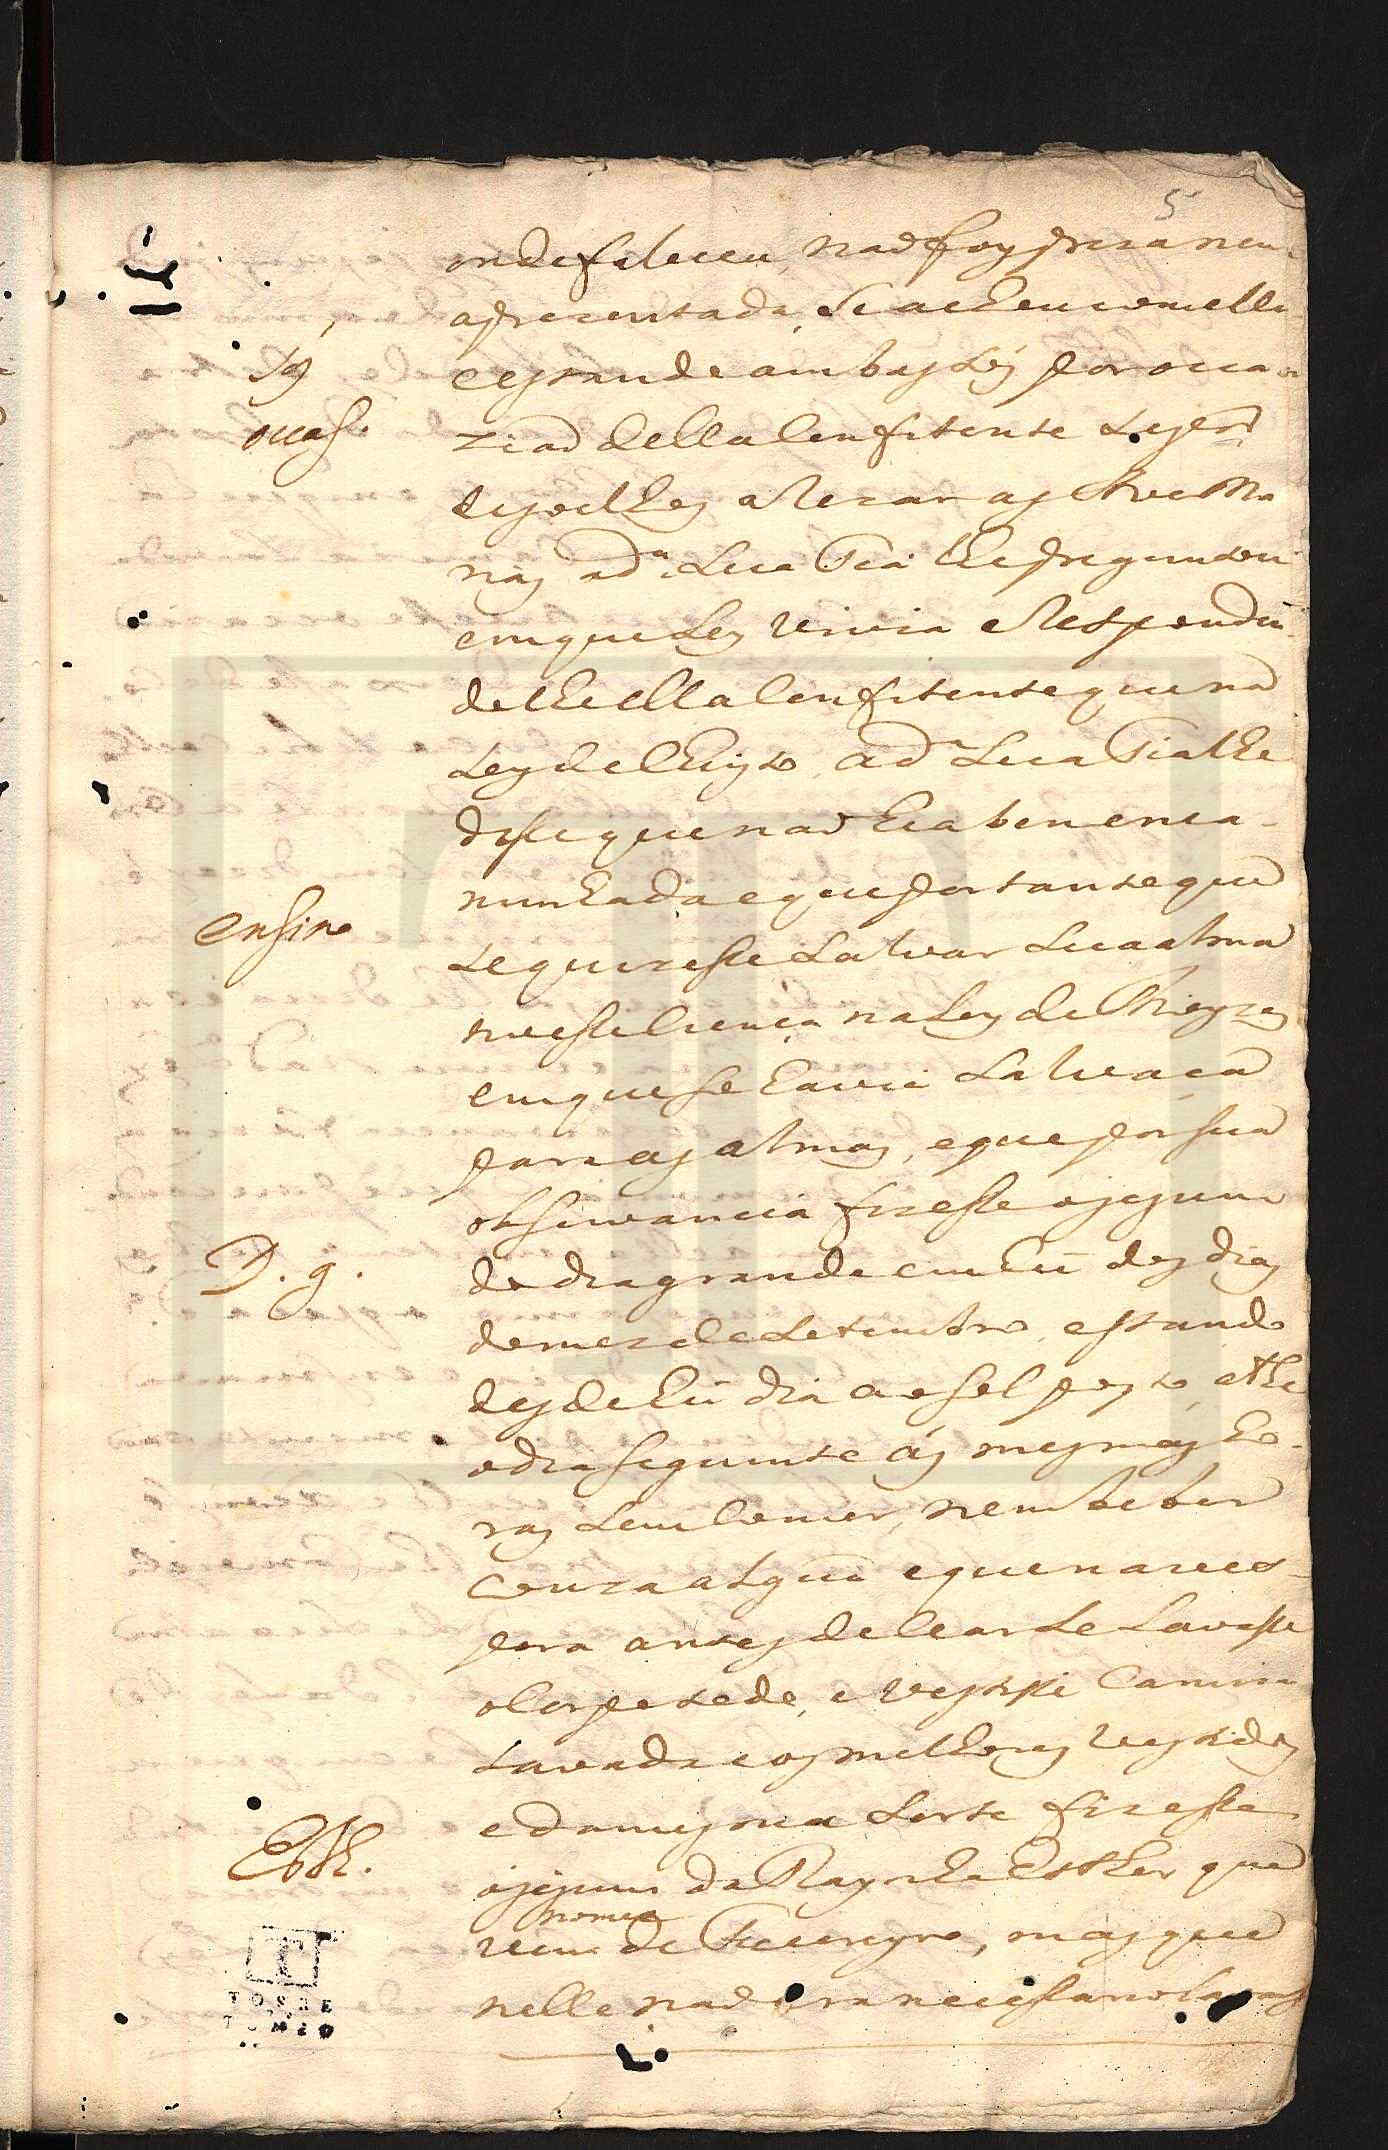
sós
occas.
ensino
Esth.
onde faleceu, naõ foy preza nem
aprezentada, se achou com ella
e estando ambas sós por occa
ziaõ della confitente se por
de joelhos a Rezar as Ave Ma
rias a da. sua Tia lhe preguntou
em que Ley vivia e Responden
dolhe ella confitente que na
Ley de Christo a da sua Tia lhe
disse que naõ hia bem enca
minhada e que portanto que
se quizesse salvar sua alma
tiuesse crença na Ley de Moyzes
em que se havia salvaçā
para as almas, e que por sua
observancia fizesse o jejum
do dia grande em hū dos dias
do mez de setembro, estando
desde hū dia ao sol posto, athe
o dia seguinte ás mesmas ho
ras sem comer, nem beber
couza alguā e que na ves
pora antes de cearse Lavasse
o Corpo todo, e vestisse camiza
lavada e os melhores vestidos
e da mesma sorte fizesse
o jejum da Raynha Esther que
no mez
uem de Feuereyro, mas que
nelle naõ era necessario
